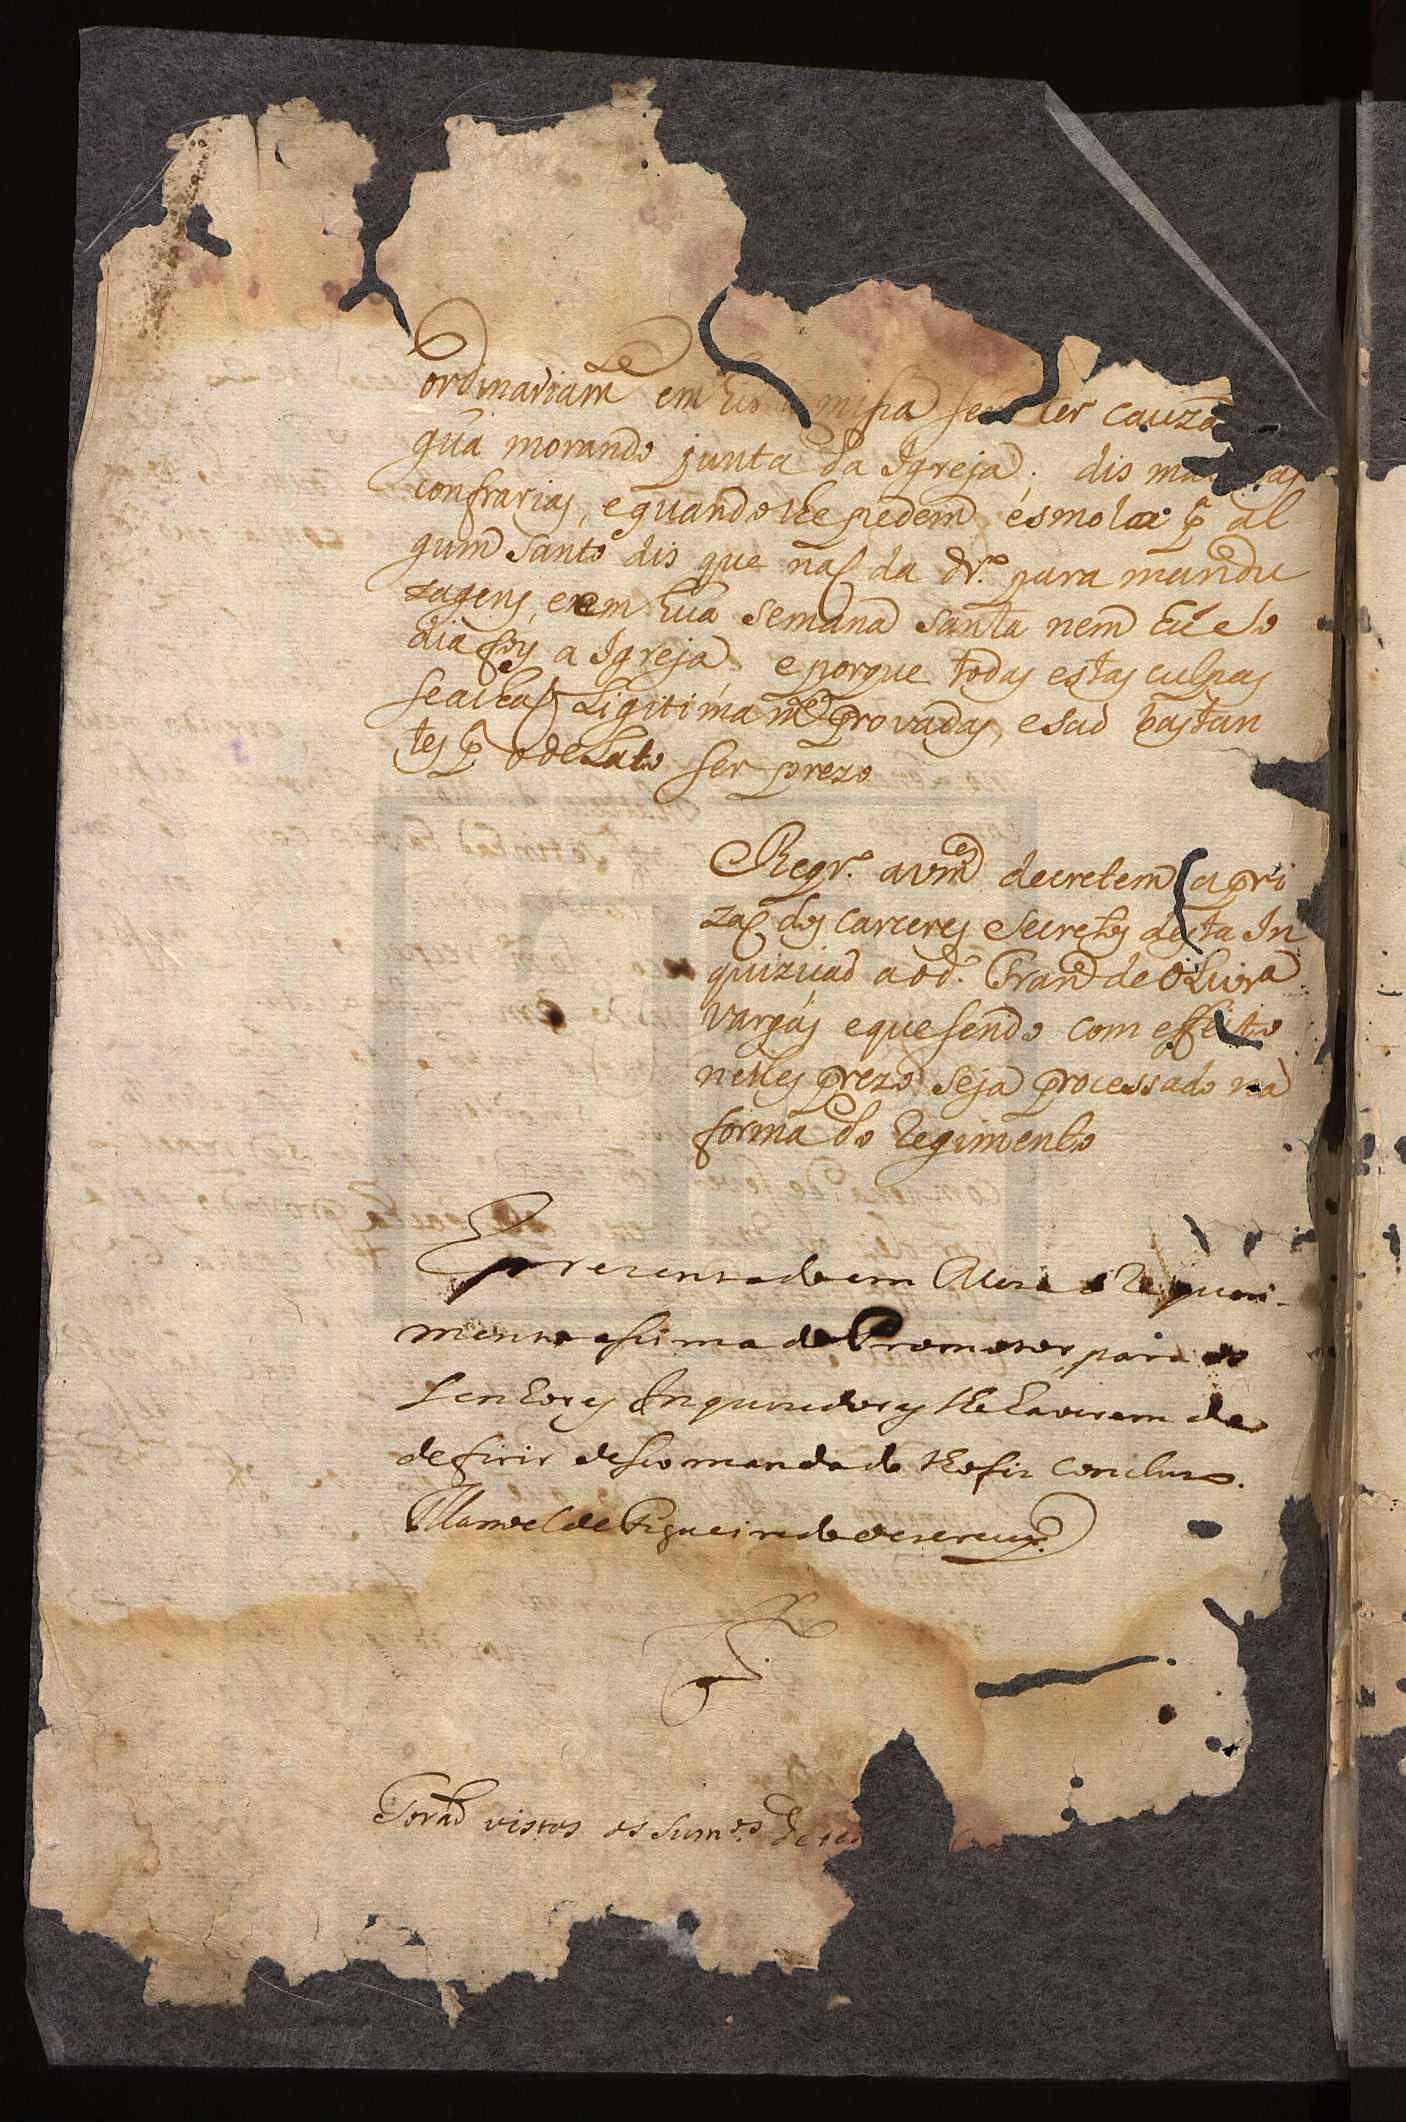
ordinariamte em hir a missa sem ter cauza
gūa morando junta da Igreja; dis ma as
confrarias, e quando lhe pedem esmola pa al
gum santo dis que naõ da dr.o para mundu
zagens, e em huā semana santa nem hū so
dia foy a Igreja, e porque todas estas culpas
se achaõ Ligitimamte provadas, e saõ bastan
tes pa o deLato ser prezo
Reqr.o a v mces decretem a pri
zaõ dos carceres Secretos desta In
quiziçaõ ao d.o Franco de OLivra
Vargas e que sendo com effeito
nelles prezo seja processado na
forma do Regimento
E prezentado em Meza o Requeri
mento assima do Promotor, para os
senhores Inquizidores lhe haverem de
defirir de seo mandado lho fiz concluzo.
Manoel de Figueiredo o escreuy.
CL.o
Foraõ vistos os sum.os de
